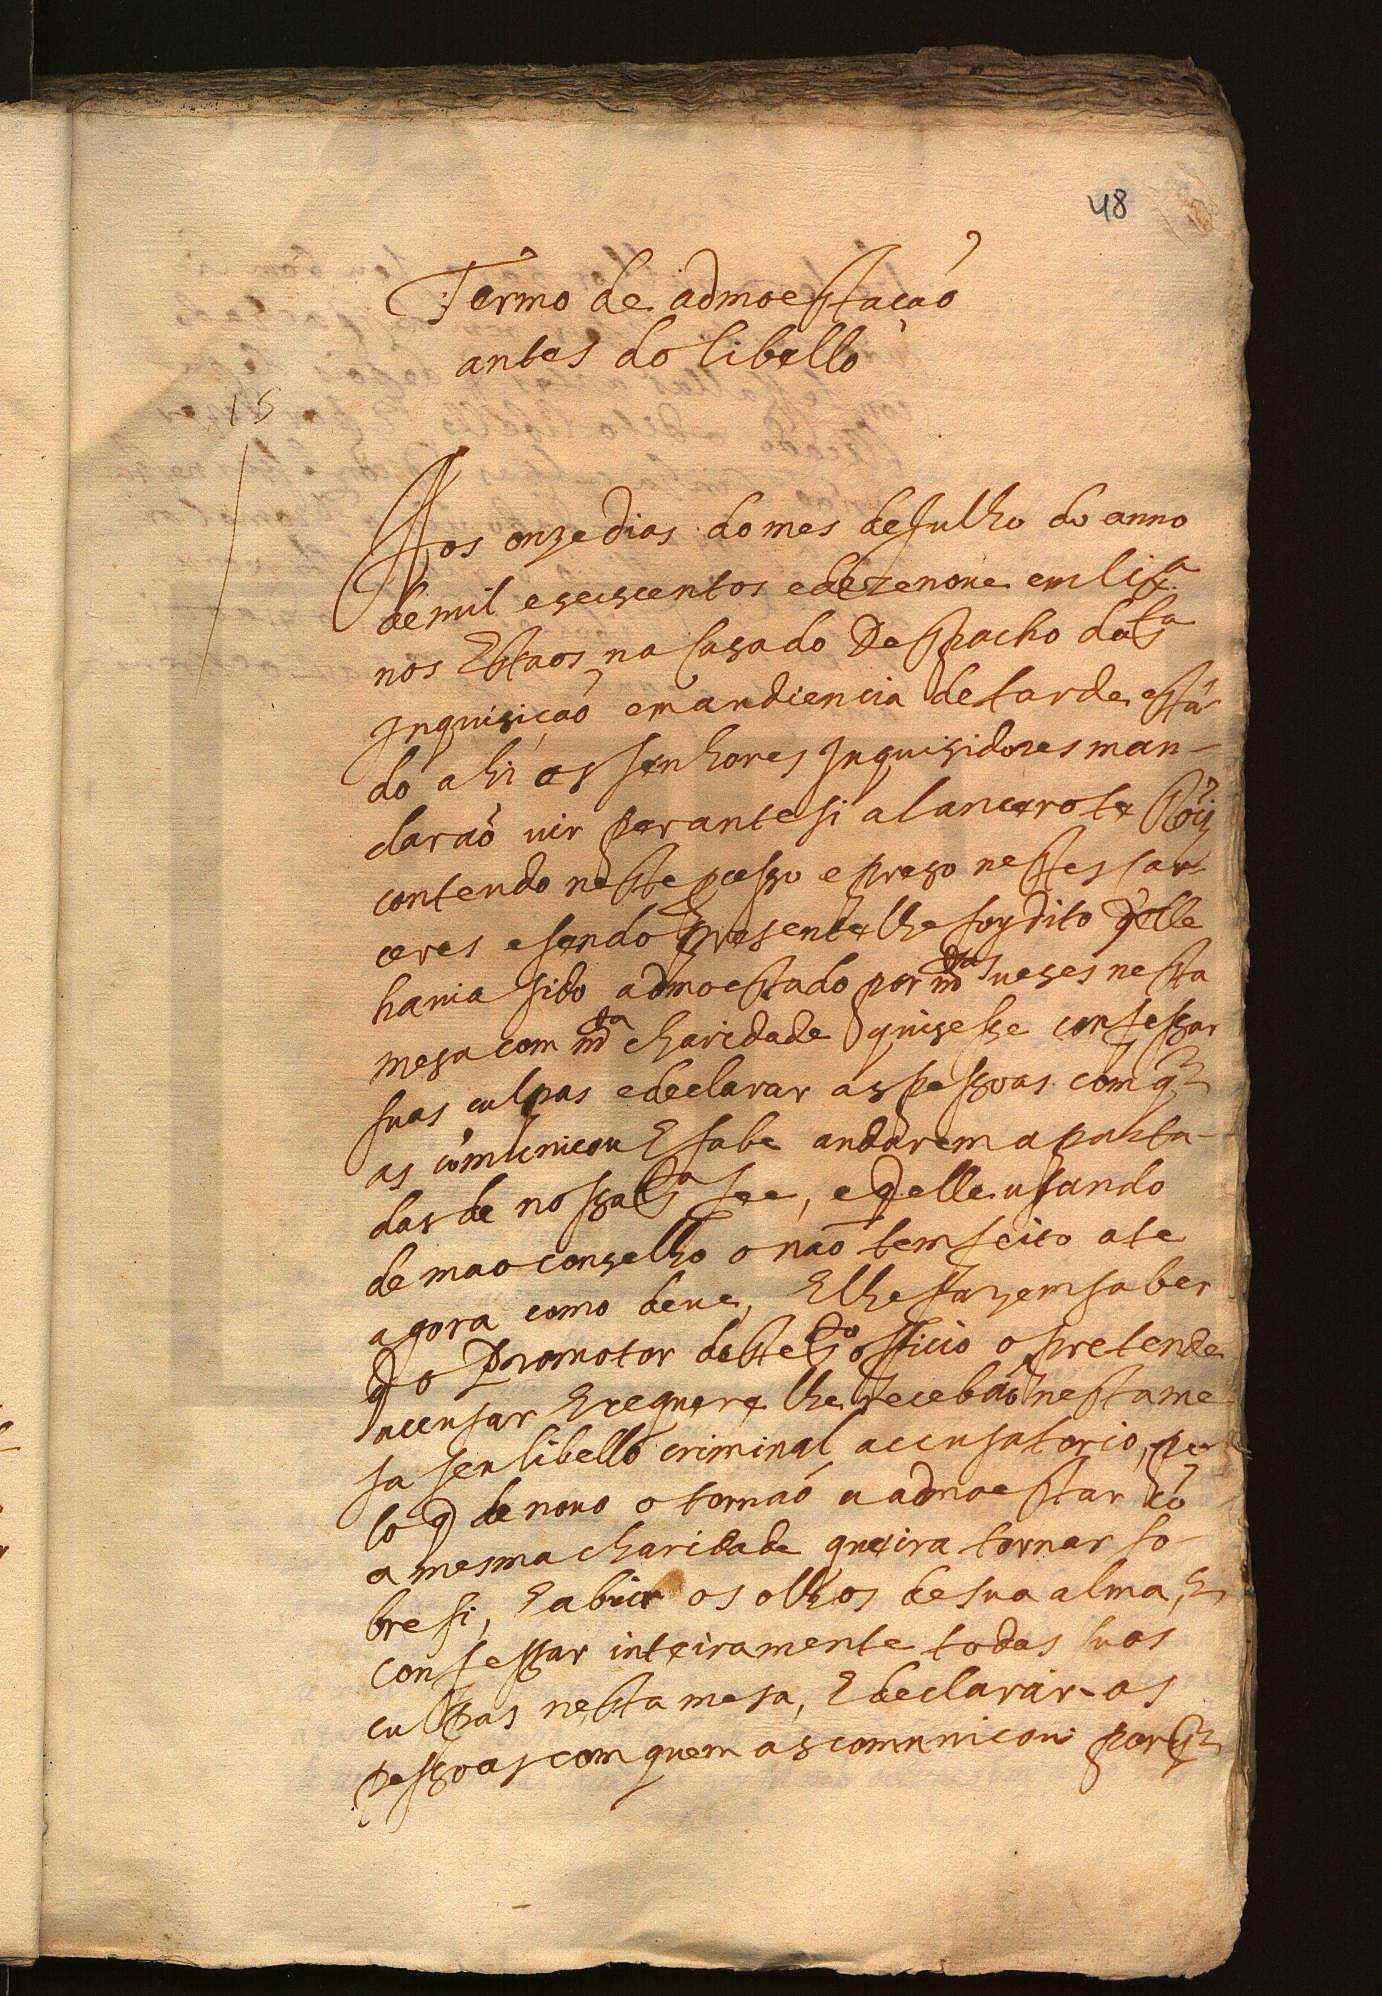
Termo de admoestaçaõ
antes do libello
Aos onze dias do mes de Julho do anno
de mil e seiscentos e dezenoue em lix.a
nos Estaos na Casa do Despacho da sta
Jnquisição em audiencia de tarde estā
do ahi os senhores Jnquisidores man
daraõ uir perante si a Lancerote Roīz
conteudo neste ꝓcesso e preso nestes Car
ceres e sendo presente lhe foy dito q̄ elle
hauia sido admoestado por mtas ueses nesta
mesa com mta charidade quisesse confessar
suas culpas e declarar as pessoas com q̄
as cōmunicou E sabe andarem aparta
das de nossa sta fee, e q̄ elle usando
de mao conselho o não tem feito ate
agora como deue, E lhe fazem saber
q̄ o Promotor deste sto officio o pretende
accusar E requerelhe recebão nesta me
sa seu libello criminal accusatorio, pe
lo q̄ de nouo o tornão a admoestar cō
a mesma charidade queira tornar so
bre si, E abrir os olhos de sua alma, E
confessar inteiramente todas suas
culpas nesta mesa, E declarar as
pessoas com quem as comunicou porq̄
